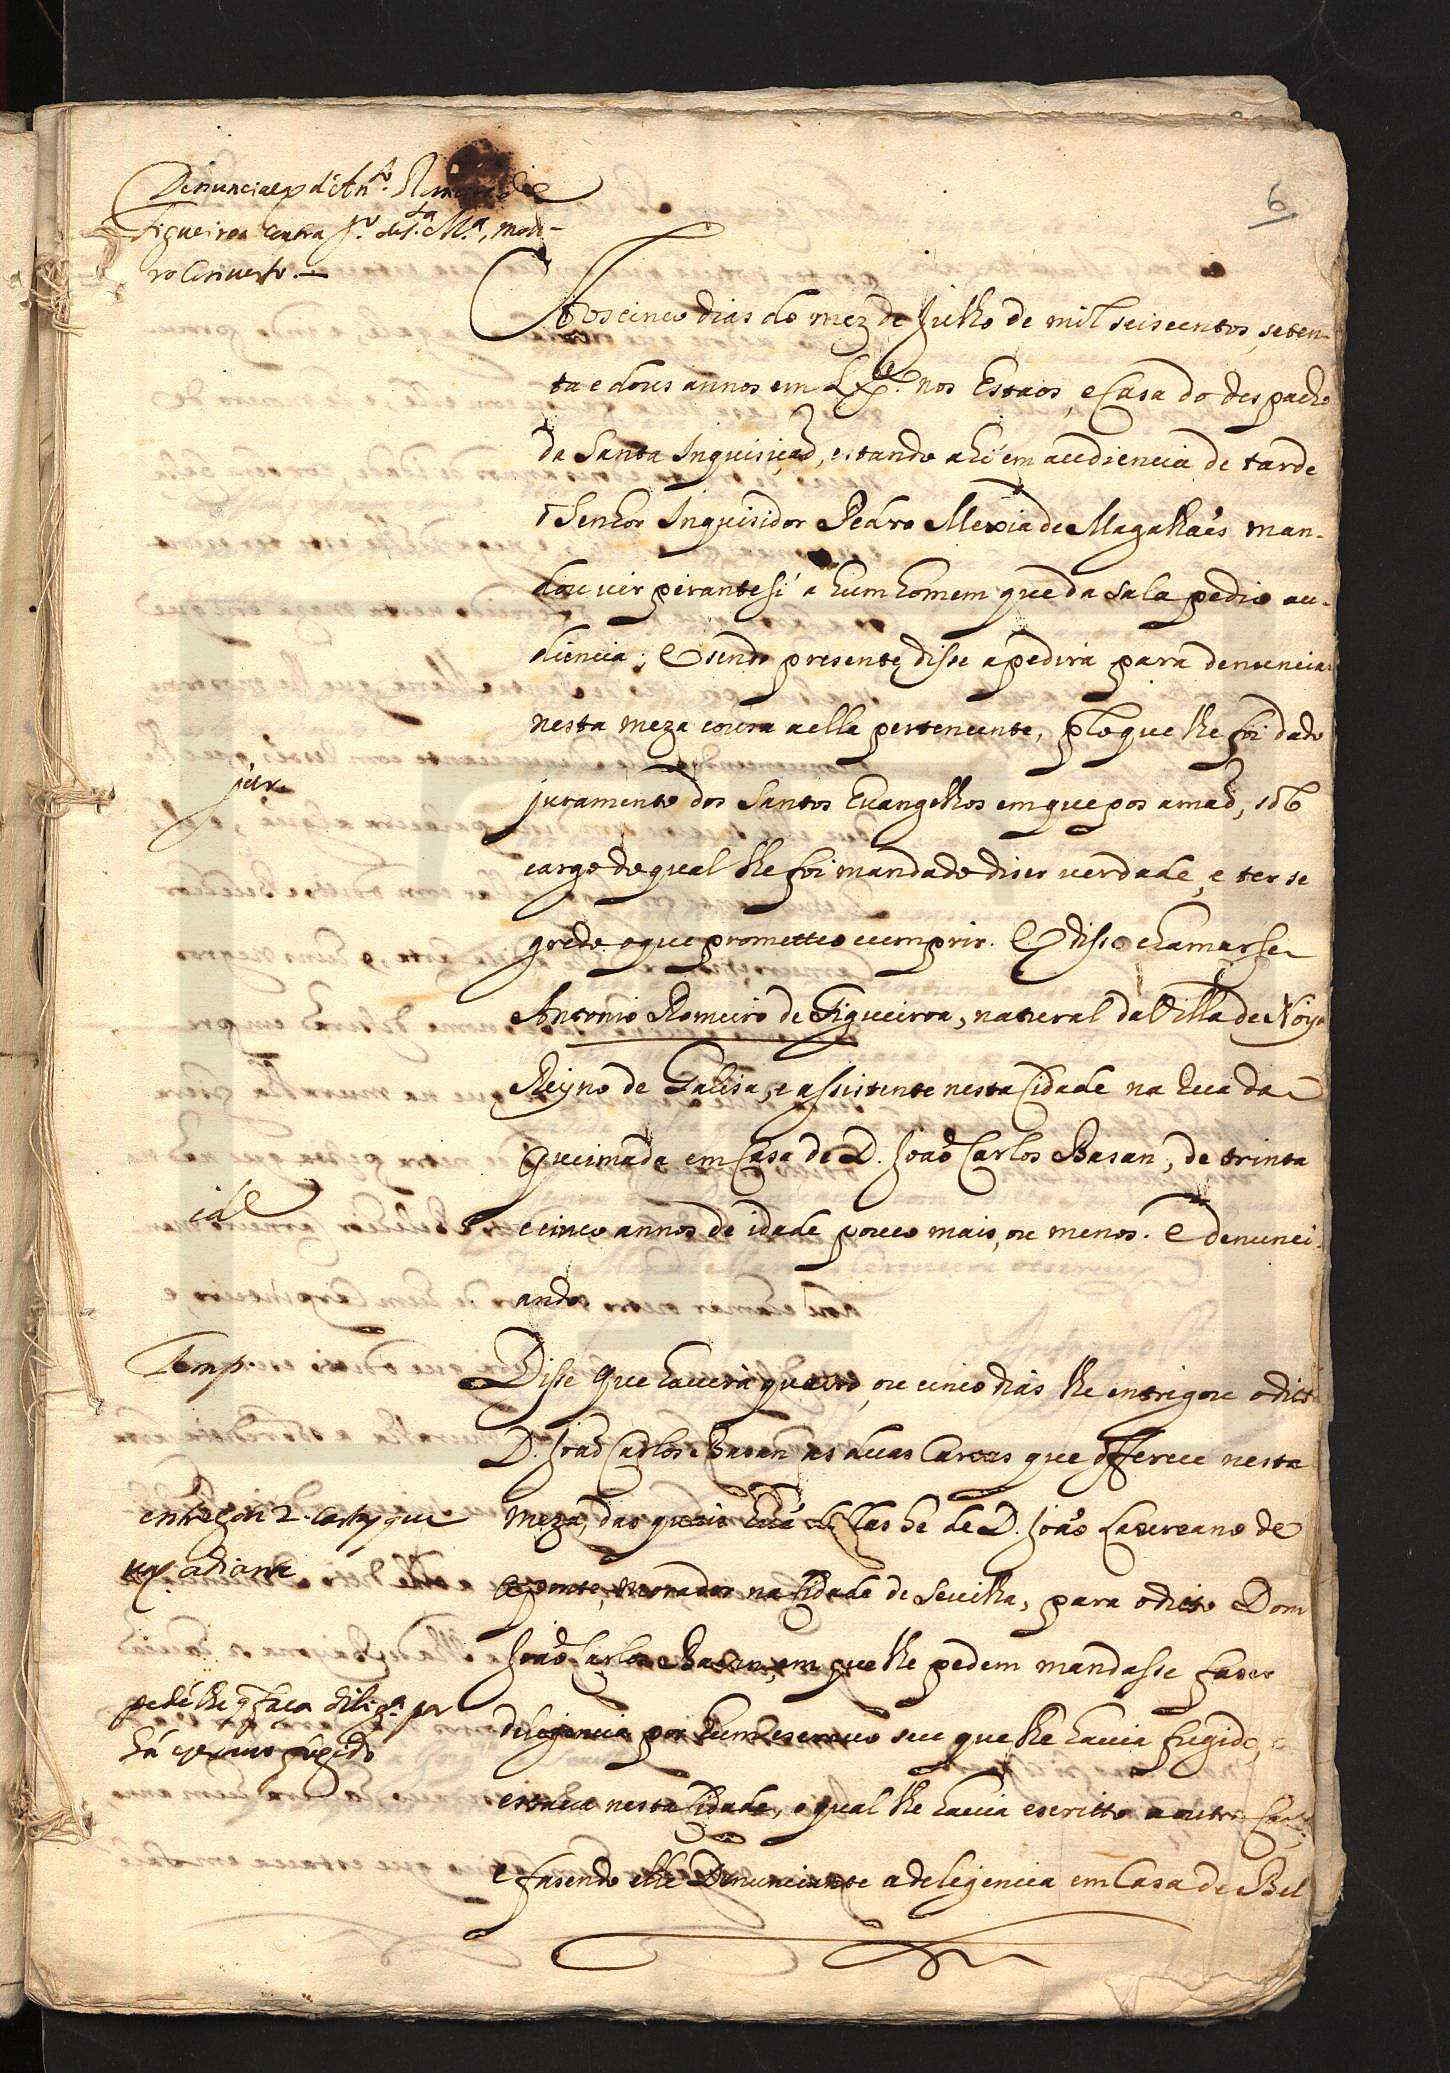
Aos cinco dias do mez de Julho de mil seiscentos, seten
ta e dous annos em Lx.a nos Estaos, e Casa do despacho
da Santa Inquisiçaõ, estando ahi em audiencia de tarde
o Senhor Inquisidor Pedro Mexia de Magalhaẽs man
dou uir perante si a hum homem que da sala pedio au
diencia; e sendo presente disse a pedira para denunciar
nesta meza cousa a ella pertencente, p̄lo que lhe foi dado
juramento dos Santos Euangelhos em que pos a maõ, sob
cargo do qual lhe foi mandado diser uerdade, e ter se
gredo o que prometteo cumprir. e diss_ chamarse
Antonio Romeiro de Figueiroa, natural da Villa de Noya
Reyno de Galisa, e assistente nesta Cidade na Rua da
Queimada em Casa de D. Joaõ Carlos Basan, de trinta
e cinco annos de idade pouco mais, ou menos. e denunci
ando.
Disse que hauerà quatro, ou cinco dias lhe entregou o ditt
D. Joaõ Carlos Basan as duas Car_as que offerece nesta
meza, das quais huā d_llas he de D. João Laureano de
Aponte, morador na Cidade de Seuilha, para o ditto Dom
Joaõ Carlos Ba__n, em que lhe pedem mandasse faser
deligencia por hum escrauo seu que lhe hauia fugido,
estaua nesta Cidade, o qual lhe hauia escritto a outr_ Ca
e fasendo elle Denunciante a deligencia em Casa de Bel
